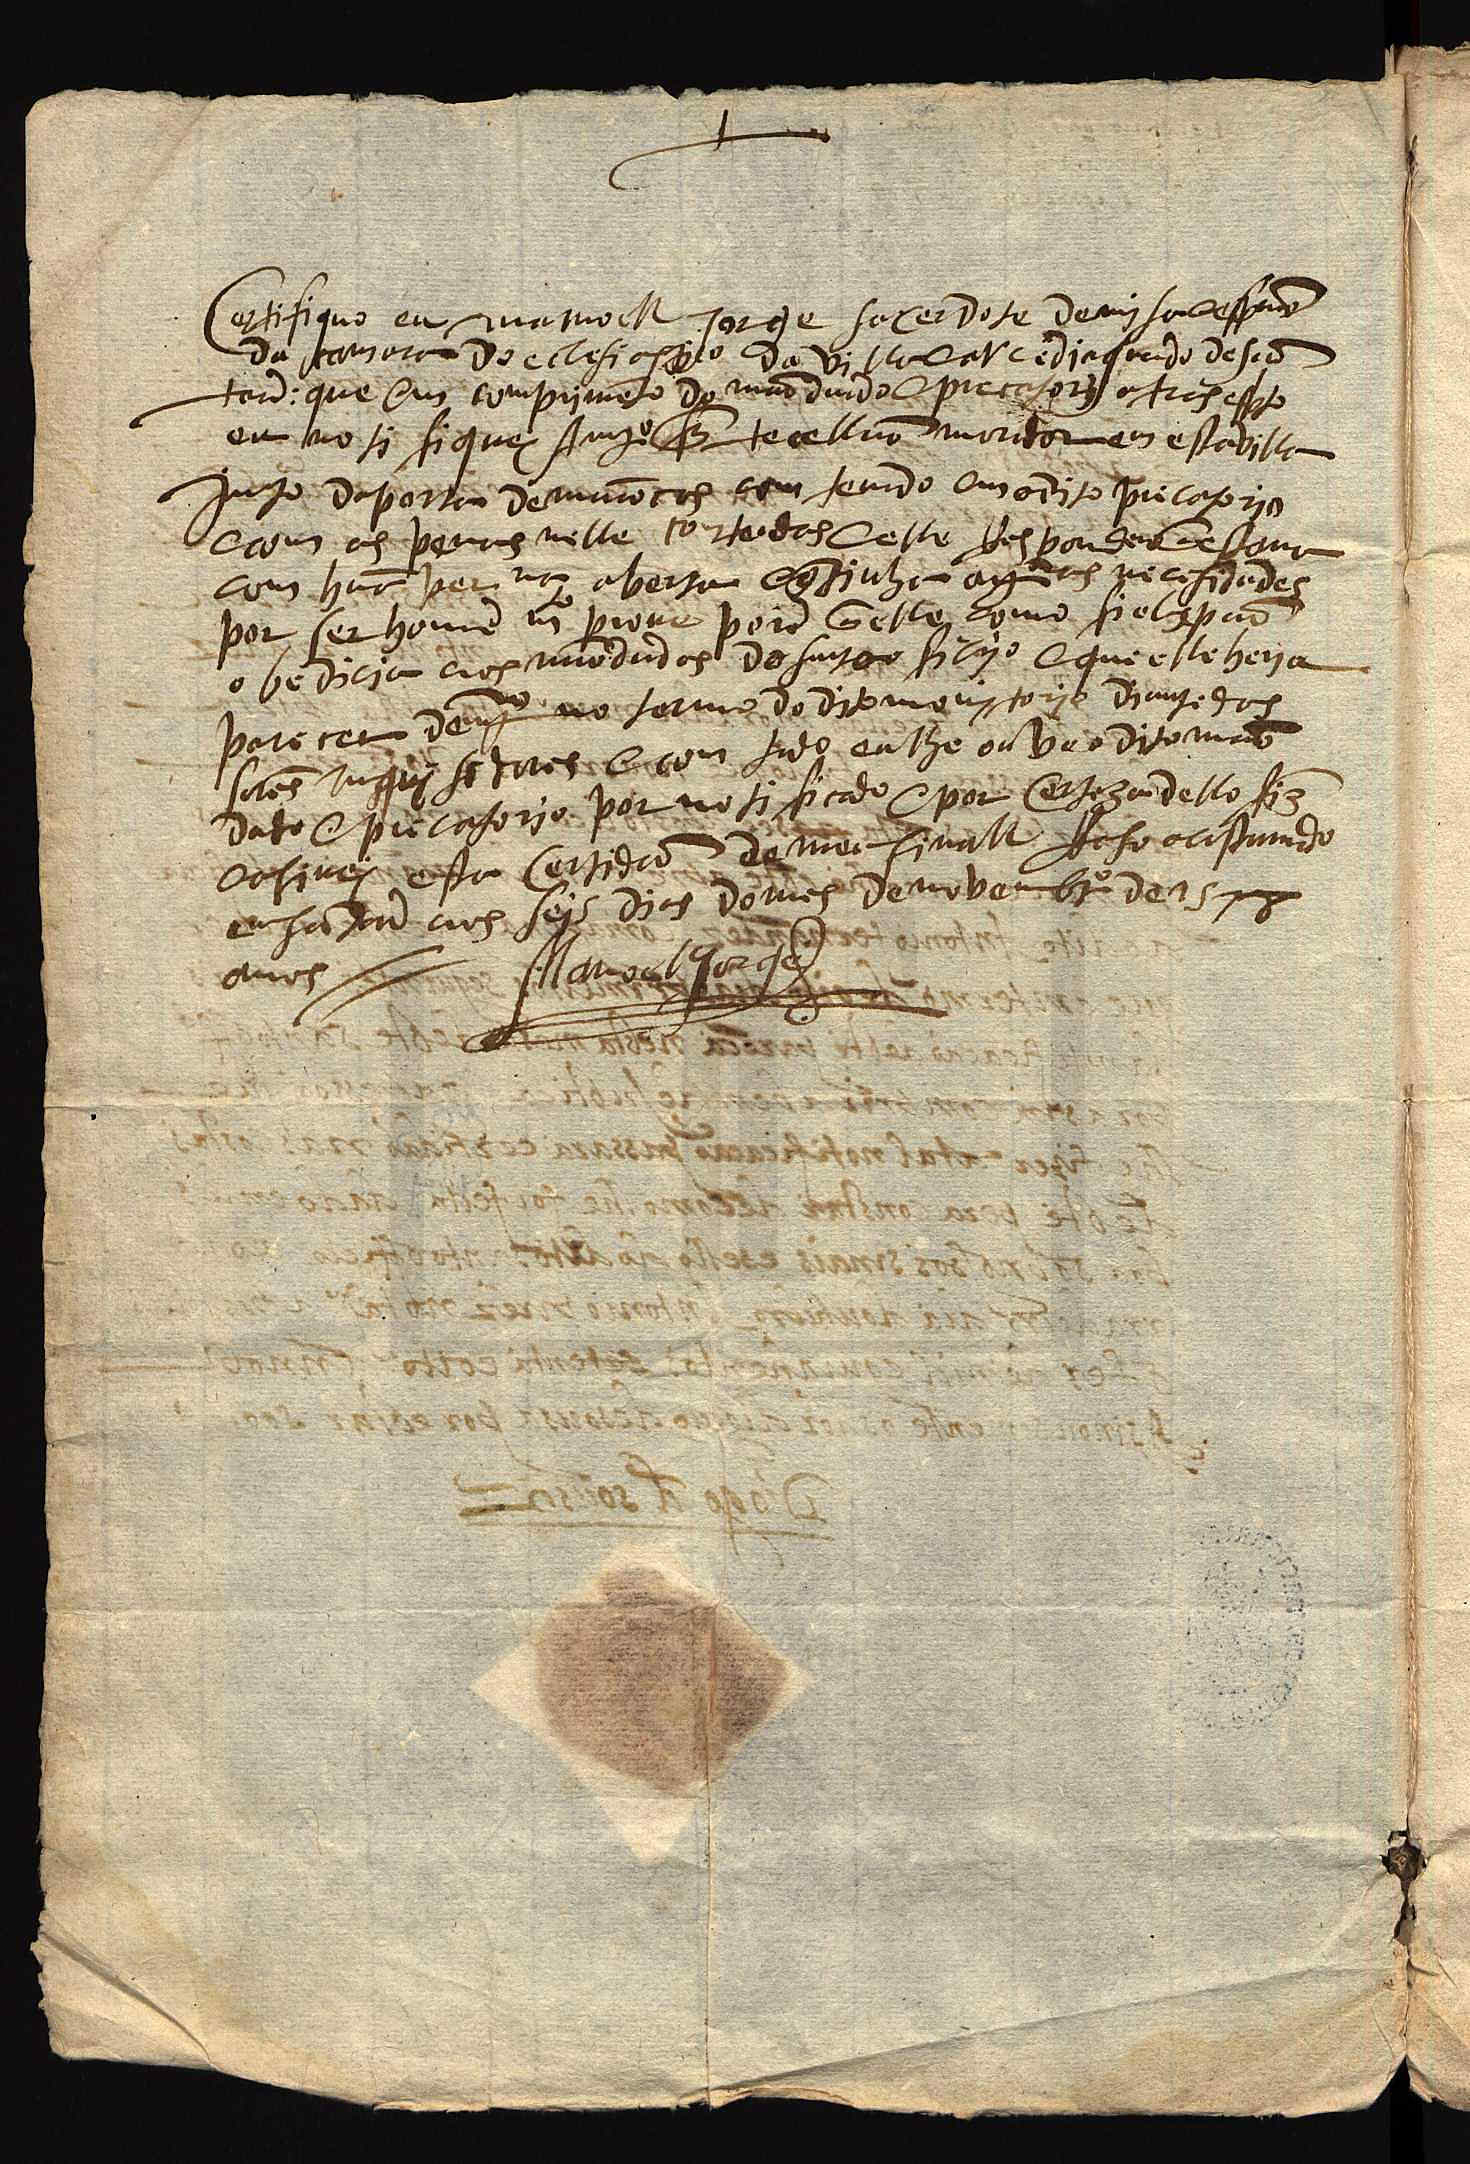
Certifiquo eu manoell Jorge sacerdote de mjsa e esp̄uaõ
da camara do eclesiastico da villa e arcediaguado de saõ
tarē: que em comprjmēto do mãodado e precatorja tras esp̄ito
eu notifiquej Amto fz̄ tecellão morador em esta villa
Juto da porta de maõcos comtemdo em o dito precatorjo
e com as penas nelle conteudas e elle Respondeu q̄ estaua
com huā perna aberta e q̄ tinha outras necesidades
por ser homē mto proue porē q̄ elle como fiel xpaõ
obedicia aos mãodados do santo oficyo e que elle herja
parecer demtro no termo do dito monjtorjo diamte dos
sorēs Jmqujsidores e com tudo eu lhe ouve o dito maõ
dado e precatorjo por notificado e por Certeza dello fiz
e asinej esta Certidaõ de meu sinall Raso acostumado
em saõtarē aos sejs dias do mes de novembro de 1578
anos
